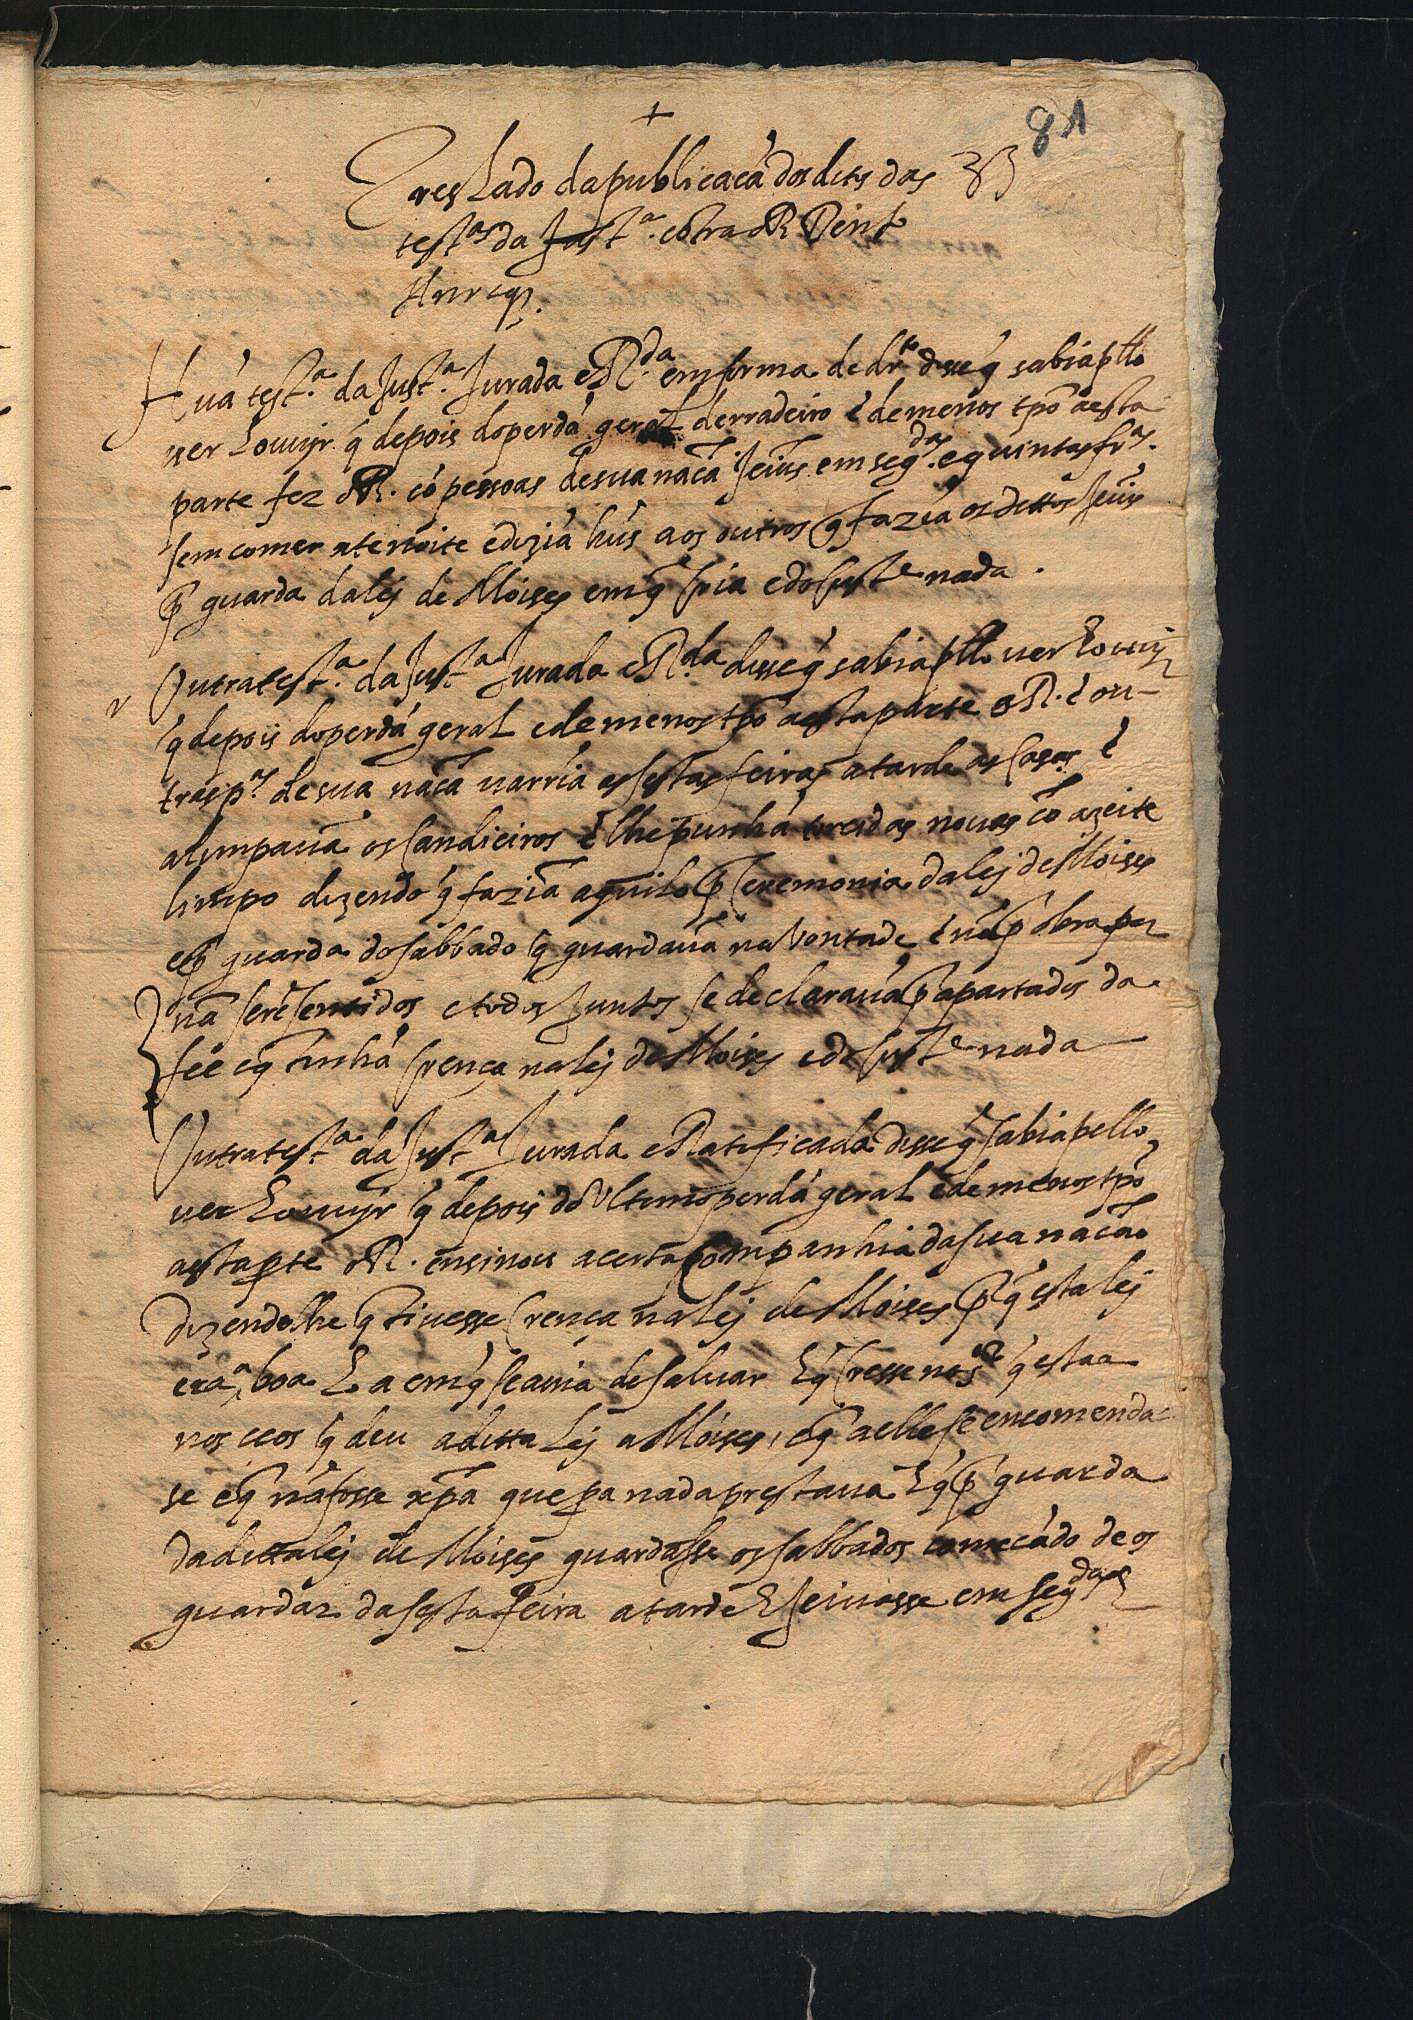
Treslado da publicaçā dos ditos das
testas da Justa. cōtra o R. Bento
Anriqz.
Huā test.a da Just.a Jurada e R.da em forma de drto disse q̄ sabia pll̄o
uer E ouuir q̄ depois do perdā geral derradeiro e de menos tpō a esta
parte fez o R. cō pessoas de sua naçā Jeiūs em segdas. e quintas fras.
sem comer ate noite e diziā hūs aos outros q̄ fazia os dittos Jeiūs
p̄ guarda da lej de Moises em q̄ Cria e do Custe nada.
item Outra test.a da Justa Jurada e R.da disse q̄ sabia pll̄o uer E ouuir
q̄ depois do perdā geral e de menos tpō a esta parte o R. e ou
tras pas. de sua naçā uarriā as sestas feiras a tarde as casas e
alimpauā os Candieiros e lhe punhā torcidas nouas cō azeite
limpo dizendo q̄ faziā aquilo ꝑ Ceremonia da lej de Moises
e p̄ guarda do sabbado q̄ guardauā na vontade e naõ p̄ obra por
nā serē sentidos e todos Juntos se declarauā p̄ apartados da
fee e q̄ tinhā Crença na lej de Moises e do Custe nada
Outra testa da Justa Jurada e Ratificada disse q̄ sabia pello
uer E ouujr q̄ depois do vltimo perdā geral e de menos tpō
a esta pte o R. ensinou a certa Companhia da sua nação
dizendolhe q̄ tiuesse Crença na Lej de Moises p̄ q̄ esta lej
era a boa E a em q̄ se auia de saluar E q̄ Cresse no sor q̄ estaa
nos ceos q̄ deu a ditta Lej a Moises, e q̄ a elle se encomenda
se e q̄ nā fosse xpā que ꝑa nada prestaua E q̄ p̄ guarda
da ditta lej de Moises guardasse os sabbados começādo de os
guardar da sesta feira a tarde E Jeiuasse em segdas E
